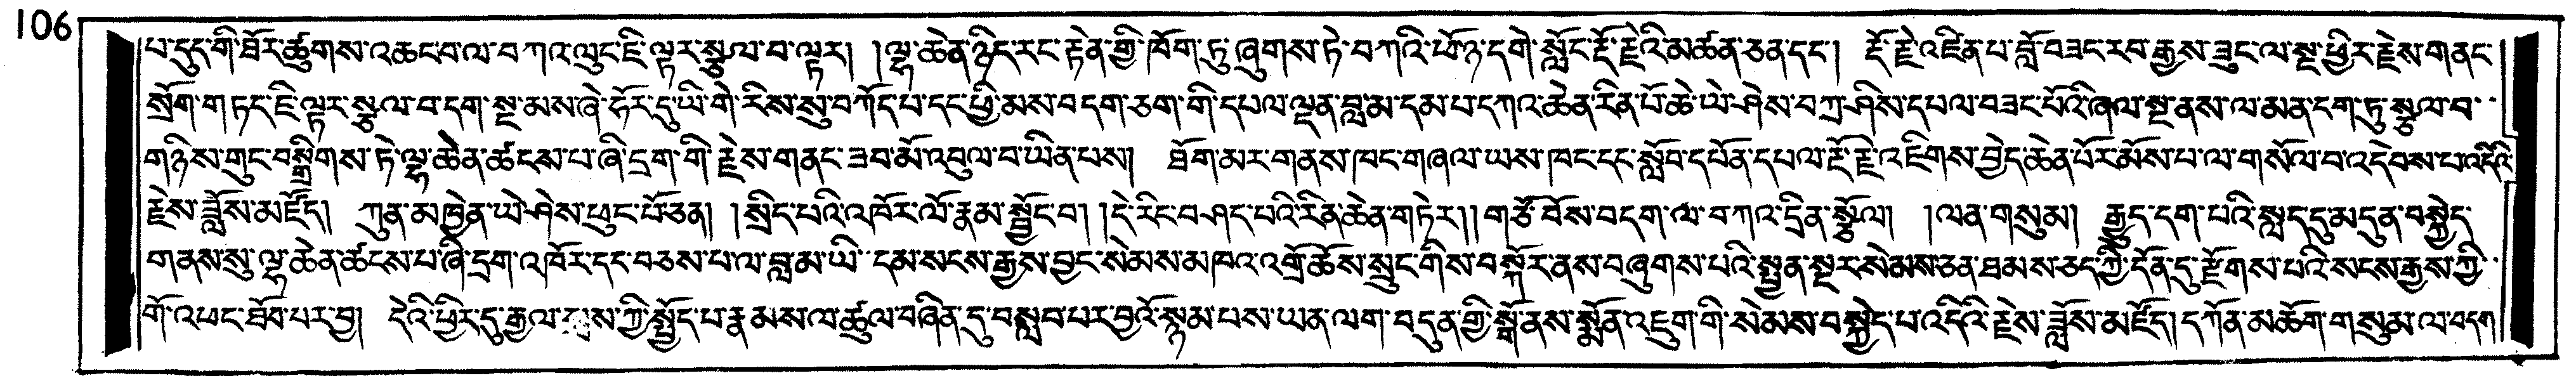པ་དུད་གི་ཐོར་ཚུགས་འཆང་བ་ལ་བཀའ་ལུང་ཇི་ལྟར་སྩལ་བ་ལྟར། །ལྷ་ཆེན་ཉིད་རང་རྟེན་གྱི་ཁོག་ཏུ་ཞུགས་ཏེ་བཀའི་ཕོ་ཉ་དགེ་སློང་རྡོ་རྗེའི་མཚན་ཅན་དང་། རྡོ་རྗེ་འཛིན་པ་བློ་བཟང་རབ་རྒྱས་ཟུང་ལ་སྔ་ཕྱིར་རྗེས་གནང་
སྲོག་གཏད་ཇི་ལྟར་སྩལ་བ་དག་སྔ་མས་ཞེ་ཧོར་དུ་ཡི་གེ་རིས་སུ་བཀོད་པ་དང་ཕྱི་མས་བདག་ཅག་གི་དཔལ་ལྡན་བླ་མ་དམ་པ་དཀའ་ཆེན་རིན་པོ་ཆེ་ཡེ་ཤེས་བཀྲ་ཤིས་དཔལ་བཟང་པོའི་ཞལ་སྔ་ནས་ལ་མན་ངག་ཏུ་སྩལ་བ་
གཉིས་གུང་བསྒྲིགས་ཏེ་ལྷ་ཆེན་ཚངས་པ་ཞི་དྲག་གི་རྗེས་གནང་ཟབ་མོ་འབུལ་བ་ཡིན་པས། ཐོག་མར་གནས་ཁང་གཞལ་ཡས་ཁང་དང་སློབ་དཔོན་དཔལ་རྡོ་རྗེ་འཇིགས་བྱེད་ཆེན་པོར་མོས་པ་ལ་གསོལ་བ་འདེབས་པ་འདིའི་
རྗེས་ཟློས་མཛོད། ཀུན་མཁྱེན་ཡེ་ཤེས་ཕུང་པོ་ཅན། །སྲིད་པའི་འཁོར་ལོ་རྣམ་སྦྱོང་བ། །དེ་རིང་བཤད་པའི་རིན་ཆེན་གཏེར། །གཙོ་བོས་བདག་ལ་བཀའ་དྲིན་སྩོལ། །ལན་གསུམ། རྒྱུད་དག་པའི་སླད་དུ་མདུན་བསྐྱེད་
གནས་སུ་ལྷ་ཆེན་ཚངས་པ་ཞི་དྲག་འཁོར་དང་བཅས་པ་ལ་བླ་མ་ཡི་དམ་སངས་རྒྱས་བྱང་སེམས་མཁའ་འགྲོ་ཆོས་སྲུང་གིས་བསྐོར་ནས་བཞུགས་པའི་སྤྱན་སྔར་སེམས་ཅན་ཐམས་ཅད་ཀྱི་དོན་དུ་རྫོགས་པའི་སངས་རྒྱས་ཀྱི་
གོ་འཕང་ཐོབ་པར་བྱ། དེའི་ཕྱིར་དུ་རྒྱལ་སྲས་ཀྱི་སྤྱོད་པ་རྣམས་ལ་ཚུལ་བཞིན་དུ་བསླབ་པར་བྱའོ་སྙམ་པས་ཡན་ལག་བདུན་གྱི་སྒོ་ནས་སྨོན་འཇུག་གི་སེམས་བསྐྱེད་པ་འདིའི་རྗེས་ཟློས་མཛོད། དཀོན་མཆོག་གསུམ་ལ་བདག་